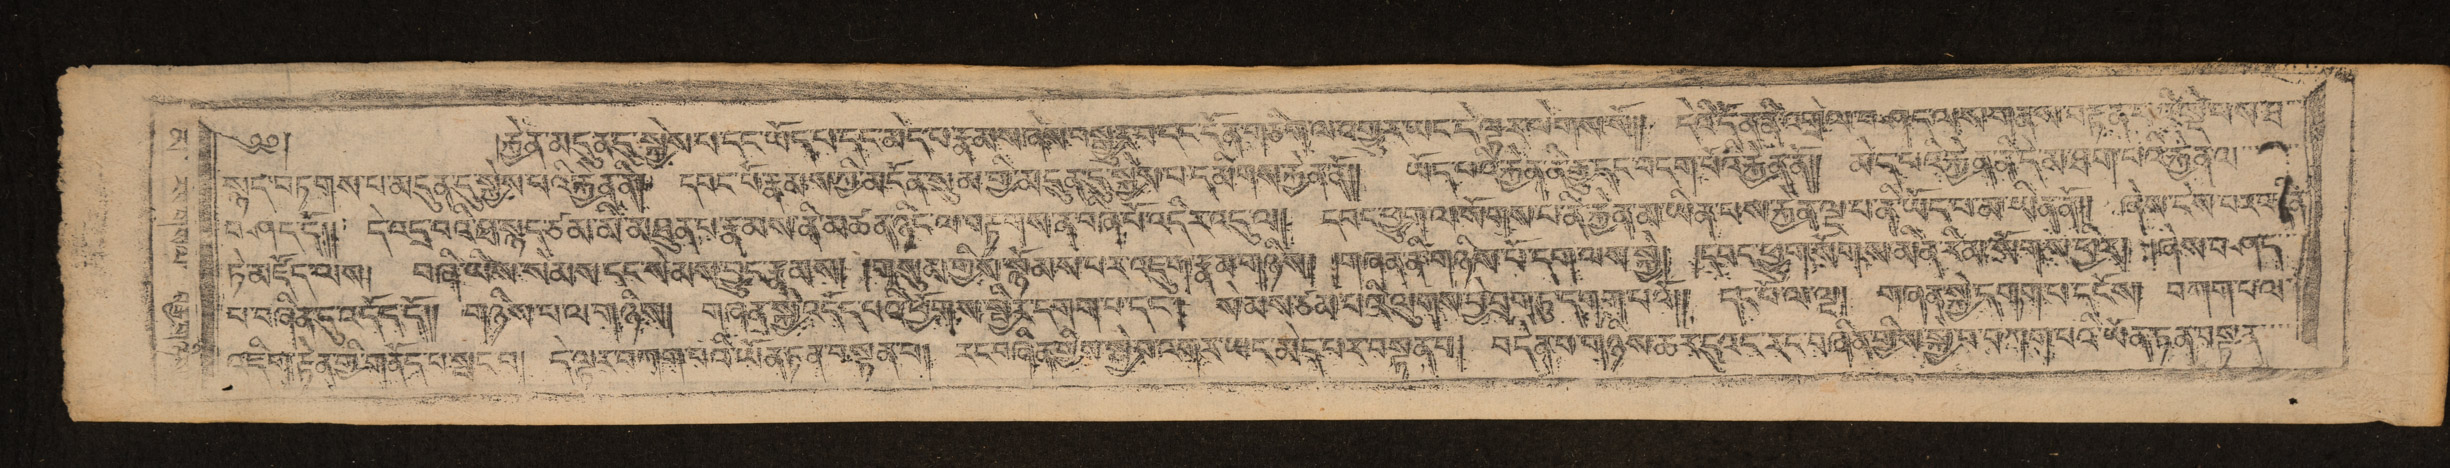༄༅། །རྐྱེན་མདུན་དུ་སྐྱེས་པ་དང་ཡོད་པ་དང་མེད་པ་རྣམས་ཞེས་བསྒྱུར་བ་དང་དོན་གཅིག་ལ་འགྱུར་ཡང་དེ་ལྟར་ལེགས་སོ།། དེའི་དོན་ནི་འགྲེལ་བཤད་ལས་གནས་བརྟན་པའི་སྡེ་པས་ཐ་
སྙད་བཏགས་པ་མདུན་དུ་སྐྱེས་པའི་རྐྱེན་ནི། དབང་པོ་རྣམས་ཀྱི་མངོན་སུམ་གྱི་མདུན་དུ་སྐྱེས་པ་དམིགས་རྐྱེན་ནོ།། ཡོད་པའི་རྐྱེན་ནི་རྒྱུ་དང་བདག་པོའི་རྐྱེན་ནོ།། མེད་པའི་རྐྱེན་ནི་དེ་མ་ཐག་པའི་རྐྱེན་ལ་
བཤད་དོ།། དེ་འདྲ་བའི་ཐ་སྙད་ཙམ་མི་མཐུན་པ་རྣམས་ནི་མཚན་ཉིད་ལ་བརྟགས་ན་བཞི་པོ་འདིར་འདུ་ལ། དབང་ཕྱུག་ལ་སོགས་པ་ནི་རྐྱེན་མ་ཡིན་པས་རྐྱེན་ལྔ་པ་ནི་ཡོད་པ་མ་ཡིན་ནོ།། ཞེས་ངེས་པར་འཛིན་
ཏེ་མཛོད་ལས། བཞི་ཡིས་སེམས་དང་སེམས་བྱུང་རྣམས། །གསུམ་གྱིས་སྙོམས་པར་འཇུག་རྣམ་གཉིས། །གཞན་ནི་གཉིས་པོ་དག་ལས་སྐྱེ། །དབང་ཕྱུག་སོགས་མིན་རིམ་སོགས་ཕྱིར། །ཞེས་བཤད་
པ་བཞིན་དུ་འདོད་དོ།། གཉིས་པ་ལ་གཉིས། གཞན་སྐྱེ་འདོད་པའི་ཕྱོགས་སྤྱིར་དགག་པ་དང་། སེམས་ཙམ་པའི་ལུགས་བྱེ་བྲག་ཏུ་དགག་པའོ།། དང་པོ་ལ་ལྔ། གཞན་སྐྱེ་དགག་པ་དངོས། བཀག་པ་ལ་
འཇིག་རྟེན་གྱི་གནོད་པ་སྤང་བ། དེ་ལྟར་བཀག་པའི་ཡོན་ཏན་བསྟན་པ། རང་བཞིན་གྱིས་སྐྱེ་བ་འགར་ཡང་མེད་པར་བསྟན་པ། བདེན་པ་གཉིས་ཆར་དུའང་རང་བཞིན་གྱིས་སྐྱེ་བ་བཀག་པའི་ཡོན་ཏན་བསྟན་